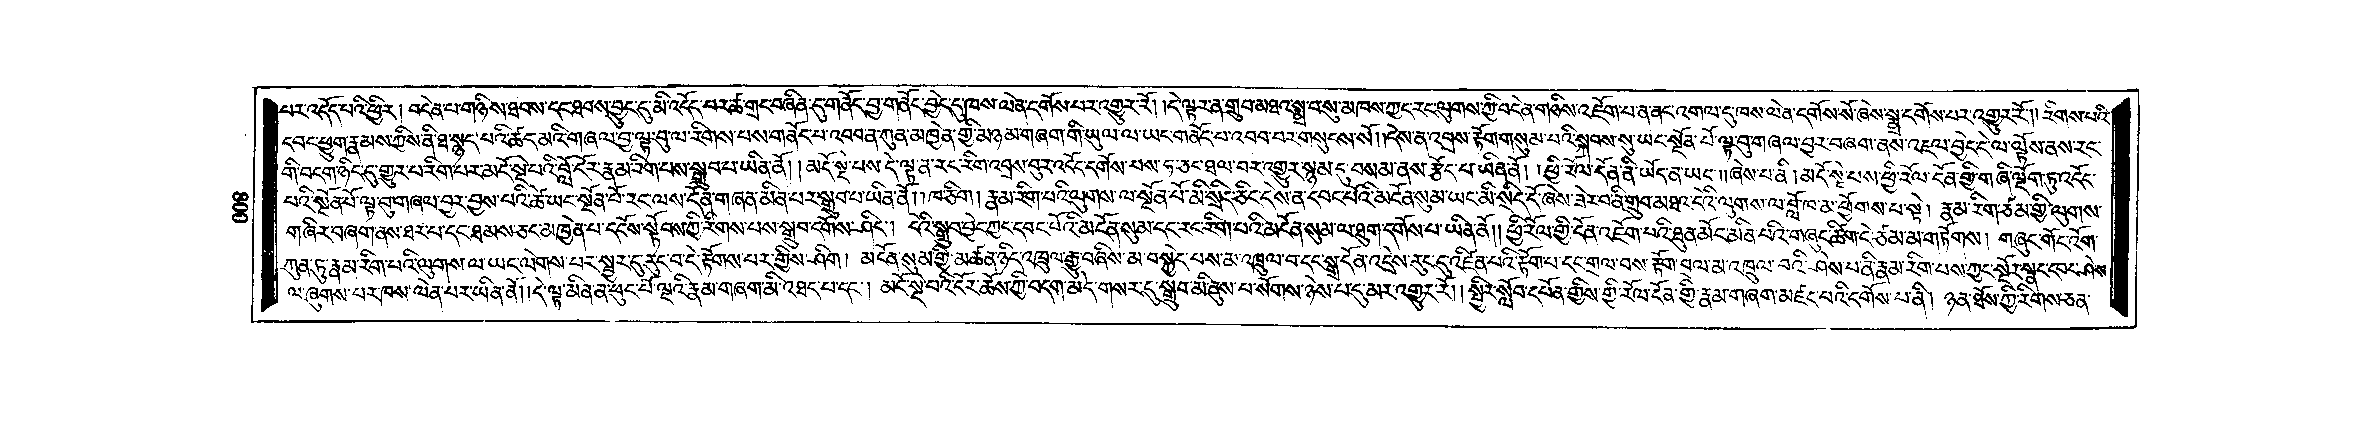པར་འདོད་པའི་ཕྱིར། བདེན་པ་གཉིས་ཐབས་དང་ཐབས་བྱུང་དུ་མི་འདོད་པར་ཚ་གྲང་བཞིན་དུ་གནོད་བྱ་གནོད་བྱེད་དུ་ཁས་ལེན་དགོས་པར་འགྱུར་རོ། །དེ་ལྟར་ན་གྲུབ་མཐའ་སྨྲ་བ་སུ་མཁས་ཀྱང་རང་ལུགས་ཀྱི་བདེན་གཉིས་འཇོག་པ་ན་ནང་འགལ་དུ་ཁས་ལེན་དགོས་སོ་ཞེས་སྨྲ་དགོས་པར་འགྱུར་རོ། །རིགས་པའི་
དབང་ཕྱུག་རྣམས་ཀྱིས་ནི་ཐ་སྙད་པའི་ཚད་མའི་གཞལ་བྱ་ལྟ་བུ་ལ་རིགས་པས་གནོད་པ་འབབ་ན་ཀུན་མཁྱེན་གྱི་མཉམ་གཞག་གི་ཡུལ་ལ་ཡང་གནོད་པ་འབབ་པར་གསུངས་སོ། །དེས་ན་འབྲས་རྟོག་གསུམ་པའི་སྐབས་སུ་ཡང་སྔོན་པོ་ལྟ་བུ་གཞལ་བྱར་བཞག་ནས་འཇལ་བྱེད་དེ་ལ་ལྟོས་ནས་རང་
གི་བདག་ཉིད་དུ་གྱུར་པ་རིག་པར་མདོ་སྡེ་པའི་བློ་ངོར་རྣམ་རིག་པས་སྒྲུབ་པ་ཡིན་ནོ། །མདོ་སྡེ་པས་དེ་ལྟ་ན་རང་རིག་འབྲས་བུར་འདོད་དགོས་པས་ཧ་ཅང་ཐལ་བར་འགྱུར་སྙམ་དུ་བསམ་ནས་རྩོད་པ་ཡིན་ནོ། །ཕྱི་རོལ་དོན་ནི་ཡོད་ན་ཡང་། །ཞེས་པ་ནི། མདོ་སྡེ་པས་ཕྱི་རོལ་དོན་གྱི་གཞི་ལྡོག་ཏུ་འདོད་
པའི་སྔོན་པོ་ལྟ་བུ་གཞལ་བྱར་བྱས་པའི་ཚེ་ཡང་སྔོན་པོ་རང་ལས་དོན་གཞན་མིན་པར་སྒྲུབ་པ་ཡིན་ནོ། །ཁ་ཅིག །རྣམ་རིག་པའི་ལུགས་ལ་སྔོན་པོ་མི་སྲིད་ཅིང་དེས་ན་དབང་པོའི་མངོན་སུམ་ཡང་མི་སྲིད་དོ་ཞེས་ཟེར་བ་ནི་གྲུབ་མཐའ་དེའི་ལུགས་ལ་བློ་ཁ་མ་ཕྱོགས་པ་སྟེ། རྣམ་རིག་ཙམ་གྱི་ལུགས་
གཞིར་བཞག་ནས་ཐར་པ་དང་ཐམས་ཅད་མཁྱེན་པ་དངོས་སྟོབས་ཀྱི་རིགས་པས་སྒྲུབ་དགོས་ཤིང་། དེའི་སྒྲུབ་བྱེད་ཀྱང་དབང་པོའི་མངོན་སུམ་དང་རང་རིག་པའི་མངོན་སུམ་ལ་ཐུག་དགོས་པ་ཡིན་ནོ། །ཕྱི་རོལ་གྱི་དོན་འཇོག་པའི་ཐུན་མོང་མིན་པའི་གཞུང་ཚིག་དེ་ཙམ་མ་གཏོགས། གཞུང་གོང་འོག་
ཀུན་ཏུ་རྣམ་རིག་པའི་ལུགས་ལ་ཡང་ལེགས་པར་སྦྱར་དུ་རུང་བ་དེ་རྟོགས་པར་གྱིས་ཤིག །མངོན་སུམ་གྱི་མཚན་ཉིད་འཁྲུལ་རྒྱུ་བཞིས་མ་བསྐྱེད་པས་མ་འཁྲུལ་བ་དང་སྒྲ་དོན་འདྲེས་རུང་དུ་འཛིན་པའི་རྟོག་པ་དང་གྲལ་བས་རྟོག་བྲལ་མ་འཁྲུལ་བའི་ཤེས་པ་ནི་རྣམ་རིག་པས་ཀྱང་སྔོར་སྣང་དབང་ཤེས་
ལ་ཞུགས་པར་ཁས་ལེན་པར་ཡིན་ནོ། །དེ་ལྟ་མིན་ན་ཕུང་པོ་ལྔའི་རྣམ་གཞག་མི་འཐད་པ་དང་། མདོ་སྡེ་པའི་ངོར་ཆོས་ཀྱི་བདག་མེད་གསར་དུ་སྒྲུབ་མི་ནུས་པ་སོགས་ཉེས་པ་དུ་མར་འགྱུར་རོ། །སྤྱིར་སློབ་དཔོན་གྱིས་གྱི་རོལ་དོན་གྱི་རྣམ་གཞག་མཛད་པའི་དགོས་པ་ནི། ཉན་ཐོས་ཀྱི་རིགས་ཅན་